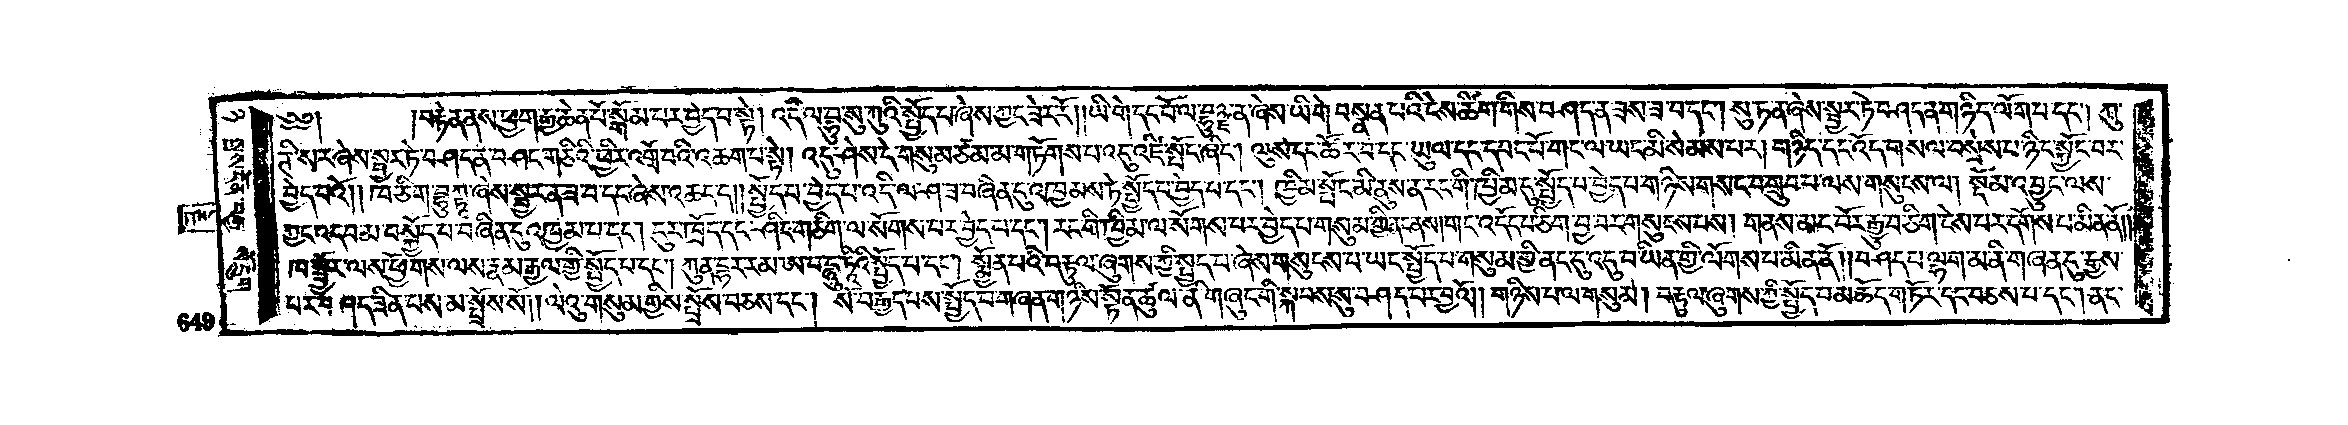༄༅། །བརྟེན་ནས་ཕྱག་རྒྱ་ཆེན་པོ་སྒོམ་པར་བྱེད་པ་སྟེ། འདི་ལ་བྷུ་སུ་ཀུའི་སྤྱོད་པ་ཞེས་ཀྱང་ཟེར་རོ། །ཡི་གེ་དང་པོ་ལ་བྷུཉྫ་ན་ཞེས་ཡི་གེ་བསྣན་པའི་ངེས་ཚིག་གིས་བཤད་ན་ཟས་ཟ་བ་དང་། སུ་ཏན་ཞེས་སྦྱར་ཏེ་བཤད་ན་གཉིད་ལོག་པ་དང་། ཀུ་
ཊི་ས་ར་ཞེས་སྦྱར་ཏེ་བཤད་ན་བཤང་གཅིའི་ཕྱིར་འགྲོ་བའི་འཆག་པ་སྟེ། འདུ་ཤེས་དེ་གསུམ་ཙམ་མ་གཏོགས་པ་འདུ་འཛི་སྤོང་ཞིང་། ལུས་དང་ཚོར་བ་དང་ཡུལ་དང་དབང་པོ་གང་ལ་ཡང་མི་སེམས་པར། གཉིད་དང་འོད་གསལ་བསྲེས་པ་ཉིང་སྐྱོང་བར་
བྱེད་པའོ། །ཁ་ཅིག་བྷུ་ཀྟཱ་ཞེས་སྦྱར་ན་ཟ་བ་དང་ཞེས་འཆད་དེ། །སྤྱོད་པ་བྱེད་པ་འདི་ལ་ཤ་ཟ་བཞིན་དུ་འཁྱམས་ཏེ་སྤྱོད་པ་བྱེད་པ་དང་། ཁྱིམ་སྤོང་མི་ནུས་ན་རང་གི་ཁྱིམ་དུ་སྤྱོད་པ་བྱེད་པ་གཉིས་གསང་བ་གྲུབ་པ་ལས་གསུངས་ལ། སྡོམ་འབྱུང་ལས་
ཀྱང་འདབ་མ་བསྐྱོད་པ་བཞིན་དུ་འཁྱམ་པ་དང་། དུར་ཁྲོད་དང་ཤིང་གཅིག་ལ་སོགས་པར་བྱེད་པ་དང་། རང་གི་ཁྱིམ་ལ་སོགས་པར་བྱེད་པ་གསུམ་གྱི་ནང་ནས། གང་འདོད་པ་ཅིག་བྱ་བར་གསུངས་པས། གནས་མང་པོར་རྒྱུ་བ་ཅིག་ངེས་པར་དགོས་པ་མིན་ནོ། །
ཁ་སྦྱོར་ལས་ཕྱོགས་ལས་རྣམ་རྒྱལ་གྱི་སྤྱོད་པ་དང་། ཀུན་དྷར་རམ་ཨ་བ་དྷཱུ་ཏཱིའི་སྤྱོད་པ་དང་། སྨྱོན་པའི་བརྟུལ་ཞུགས་ཀྱི་སྤྱད་པ་ཞེས་གསུངས་པ་ཡང་སྤྱོད་པ་གསུམ་གྱི་ནང་དུ་འདུ་བ་ཡིན་གྱི་ལོགས་པ་མིན་ནོ། །བཤད་པ་ལྷག་མ་ནི་གཞན་དུ་རྒྱས་
པར་བཤད་ཟིན་པས་མ་སྤྲོས་སོ། །ལེའུ་གསུམ་གྱིས་སྤྲོས་བཅས་དང་། སོ་བརྒྱད་པས་སྤྱོད་པ་གཞན་གཉིས་སྟོན་ཆུལ་ནི་གཞུང་གི་སྐབས་སུ་བཤད་པར་བྱའོ། །གཉིས་པ་ལ་གསུམ། བརྟུལ་ཞུགས་ཀྱི་སྤྱོད་པ་མཆོད་གཏོར་དང་བཅས་པ་དང་། ནང་